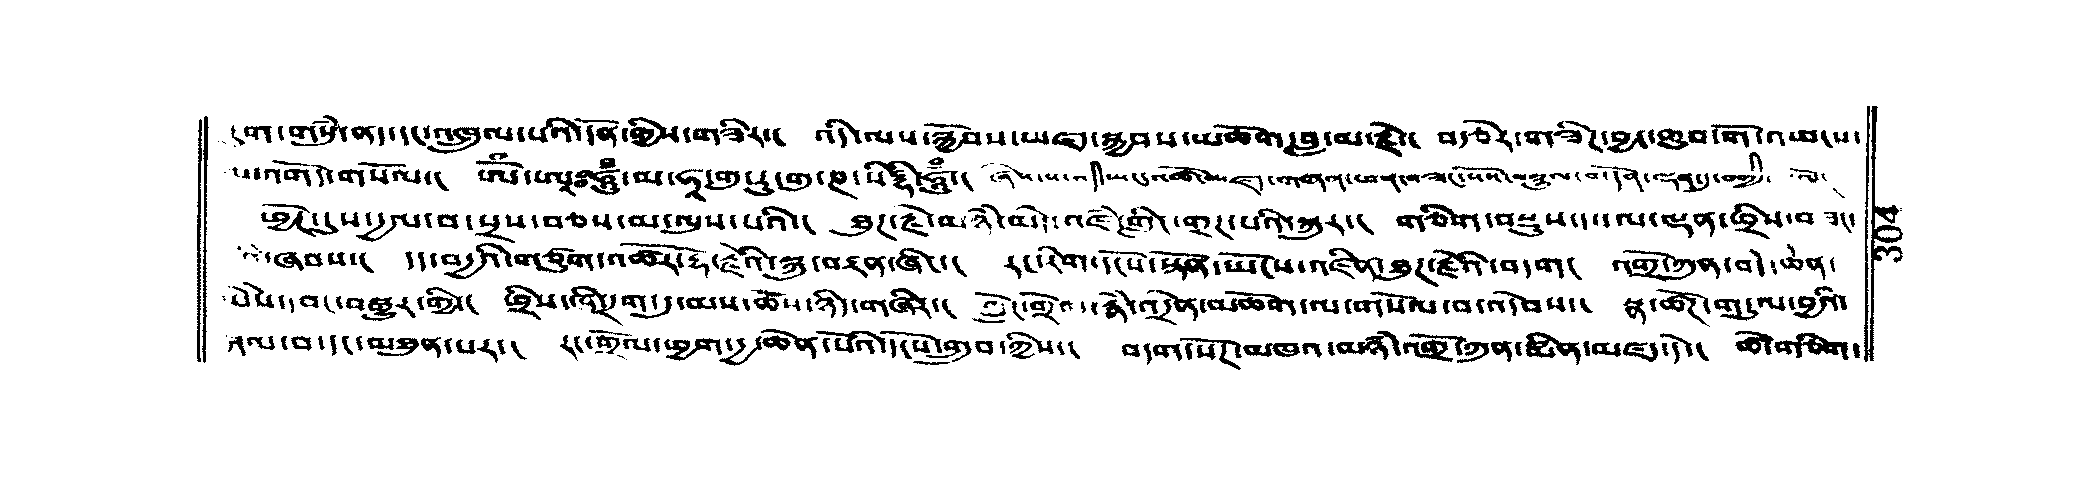།དུག་གསུམ་ནད་དང་འཁྲུལ་པའི་གདོན་གྱིས་གཟིར། །འདི་ལས་སྐྱོབས་མཛད་སྐྱབས་མཆོག་བླ་མ་རྗེ། །བརྩེར་གཟིགས་བྱང་ཆུབ་གོ་འཕང་
སར་འགོད་གསོལ། ཨོཾ་ཨཱཿཧཱུྃ་མ་ཧཱ་གུ་རུ་གུ་ཎ་སིདྡྷི་ཧཱུྃ། ཞེས་པ་འདི་ཡང་འཚོ་མཛད་གཞན་ཕན་བཟང་པོས་བསྐུལ་བ་དོན་ལྡན་དུ་བགྱིས་པའོ།། 
ཕྱོགས་དུས་རྒྱལ་བ་སྲས་བཅས་མ་ལུས་པའི། །ཐུགས་རྗེ་མཉམ་མེད་འཛམ་གླིང་གྲགས་པའི་སྐུ། །གཅིག་བསྡུས་དཔལ་ལྡན་ཕྲིན་ལས་བཟང་
པོའི་ཞབས། །དད་བརྒྱའི་གཙུག་མཚོར་རྡོ་རྗེའི་སྐུ་བརྟན་ཞིང་། །རང་རིག་དངོས་སྟོབས་ཡོངས་འཛིན་ཐུགས་རྗེའི་བདག །འགྲོ་ཀུན་བདེ་ཆེན་
ཡེ་ཤེས་དབང་བསྒྱུར་གྱི། །ཕྲིན་ལས་ཞི་དྲག་དུ་མས་ཆོས་ཉིད་གཞིར། །ཀློང་གྲོལ་རྣམ་འདྲེན་མཆོག་ལ་གསོལ་བ་འདེབས། །སྣ་ཚོགས་གདུལ་བྱའི་
སྐལ་བ་དང་མཐུན་པར། །རལ་གྲོལ་ཕྱག་རྒྱ་ཆེན་པོའི་དངོས་གྲུབ་ཀྱིས། །བདག་སོགས་མཁའ་མཉམ་འགྲོ་ཀུན་སྨིན་མཛད་དེ། །ཚེ་གཅིག་